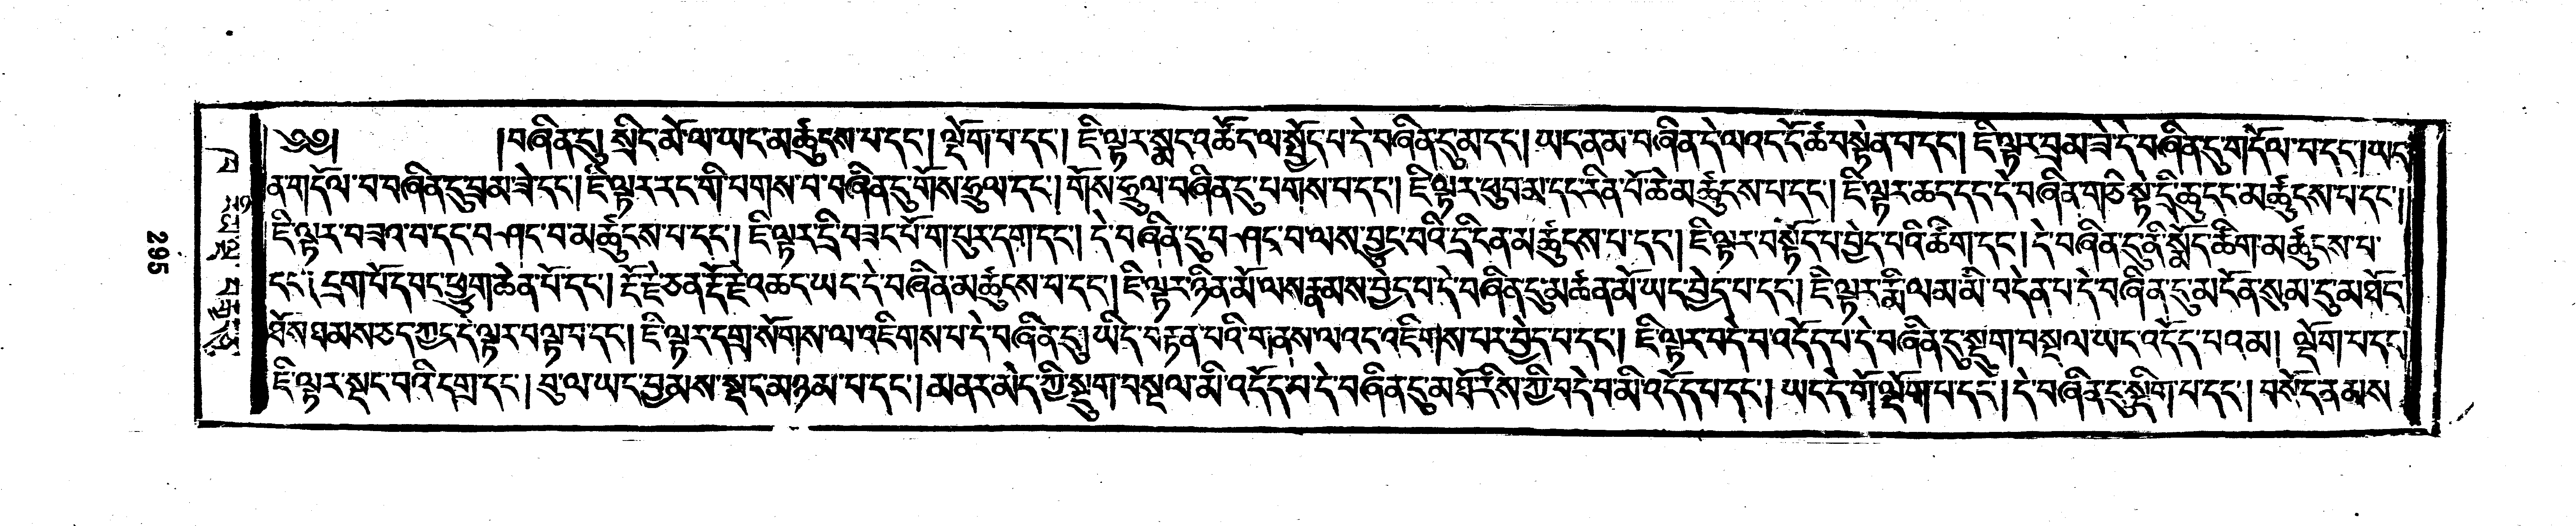༄༅། །བཞིན་དུ། སྲིང་མོ་ལ་ཡང་མཚུངས་པ་དང་། ལྡོག་པ་དང་། ཇི་ལྟར་སྨད་འཚོང་ལ་སྤྱོད་པ་དེ་བཞིན་དུ་མ་དང་། ཡང་ནམ་བཞིན་དེ་ལའང་ངོ་ཚ་བསྟེན་པ་དང་། ཇི་ལྟར་བྲམ་ཟེ་དེ་བཞིན་དུ་གདོལ་བ་དང་། ཡང་
ན་གདོལ་བ་བཞིན་དུ་བྲམ་ཟེ་དང་། ཇི་ལྟར་རང་གི་པགས་པ་བཞིན་དུ་གོས་ཧྲུལ་དང་། གོས་ཧྲུལ་བཞིན་དུ་པགས་པ་དང་། ཇི་ལྟར་ཕུབ་མ་དང་རིན་པོ་ཆེ་མཚུངས་པ་དང་། ཇི་ལྟར་ཆང་དང་དེ་བཞིན་གཅི་སྟེ་དྲི་ཆུ་དང་མཚུངས་པ་དང་
ཇི་ལྟར་བཟའ་བ་དང་བཤད་པ་མཚུངས་པ་དང་། ཇི་ལྟར་དྲི་བཟང་པོ་ག་བུར་དག་དང་། དེ་བཞིན་དུ་བཤད་པ་ལས་བྱུང་བའི་དྲི་ངན་མཚུངས་པ་དང་། ཇི་ལྟར་བསྟོད་པ་བྱེད་པའི་ཚིག་དང་། དེ་བཞིན་དུ་ནི་སྨོད་ཚིག་མཚུངས་པ་
དང༑ དྲག་པོ་དབང་ཕྱུག་ཆེན་པོ་དང་། རྡོ་རྗེ་ཅན་རྡོ་རྗེ་འཆང་ཡང་དེ་བཞིན་མཚུངས་པ་དང་། ཇི་ལྟར་ཉིན་མོ་ལས་རྣམས་བྱེད་པ་དེ་བཞིན་དུ་མཚན་མོ་ཡང་བྱེད་པ་དང་། ཇི་ལྟར་རྨི་ལམ་མི་བདེན་པ་དེ་བཞིན་དུ་མངོན་སུམ་དུ་མཐོང་
ཐོས་ཐམས་ཅད་ཀྱང་དེ་ལྟ་བལྟ་བ་དང་། ཇི་ལྟར་དགྲ་སོགས་ལ་འཇིགས་པ་དེ་བཞིན་དུ། ཡིད་བརྟན་པའི་གནས་ལའང་འཇིགས་པར་བྱེད་པ་དང་། ཇི་ལྟར་བདེ་བ་འདོད་པ་དེ་བཞིན་དུ་སྡུག་བསྔལ་ཡང་འདོད་པའམ། ལྡོག་པ་དང་
ཇི་ལྟར་སྡང་བའི་དགྲ་དང་། བུ་ལ་ཡང་བྱམས་སྡང་མཉམ་པ་དང་། མནར་མེད་ཀྱི་སྡུག་བསྔལ་མི་འདོད་པ་དེ་བཞིན་དུ་མཐོ་རིས་ཀྱི་བདེ་བ་མི་འདོད་པ་དང་། ཡང་དེ་གོ་ལྡོག་པ་དང་། དེ་བཞིན་དུ་སྡིག་པ་དང་། བསོད་ནམས་